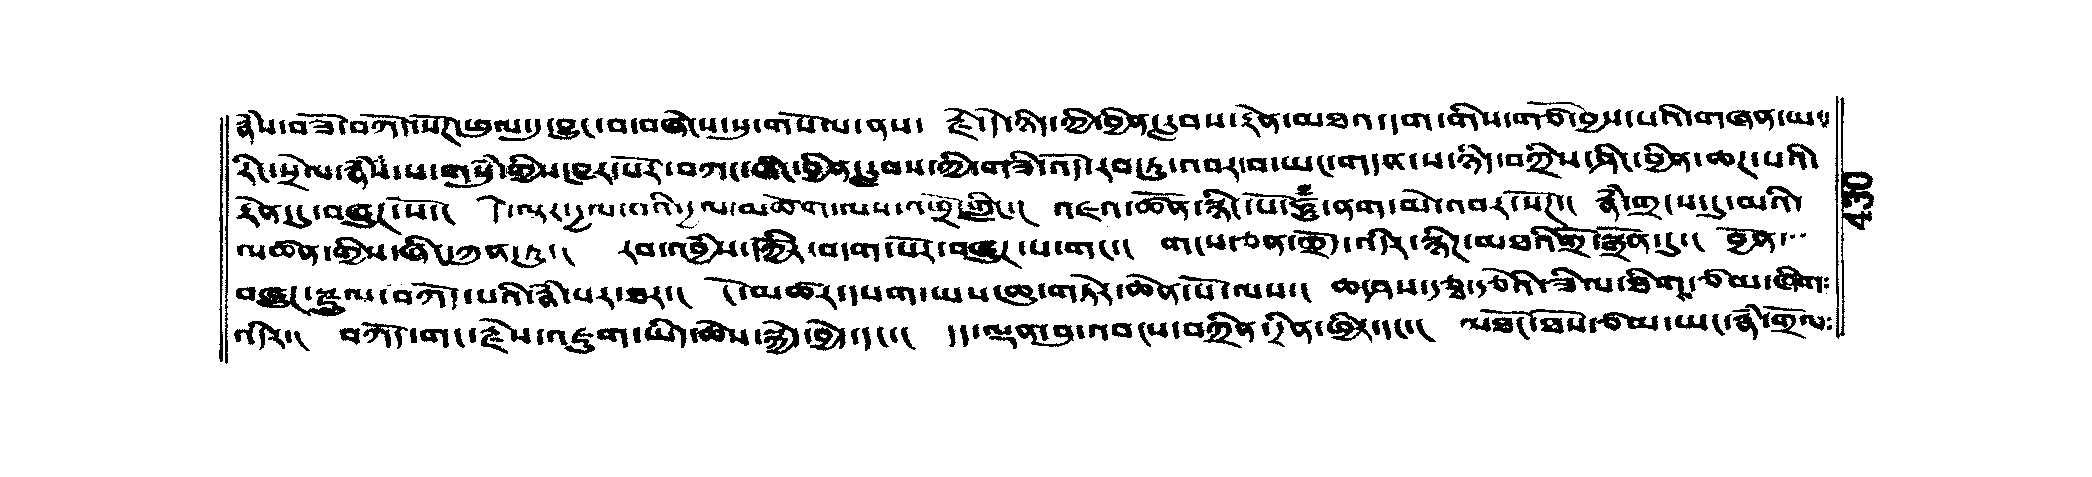རྣམས་བཟོ་བཀོད་སོགས་ཕུལ་དུ་བྱུང་བ་བཞེངས་སུ་གསོལ་ནས། རྗེ་དེ་ཉིད་ཀྱི་བྱིན་རླབས་རྟེན་མཐའ་དག་གིས་གཙོ་བྱས་པའི་གཞན་ཡང་
རིང་སྲེལ་རྣམ་པ་གསུམ་གྱིས་བྱུར་བུར་བཀང་ཞིང་བྱིན་རླབས་ཀྱི་གཟི་འོད་རབ་ཏུ་འབར་བ་ཡང་གདན་ས་ཉིད་བཀྲ་ཤིས་ཤིང་བྱིན་ཆགས་པའི་
རྟེན་དུ་བཞུགས་སོ།།དེ་ལྟར་རྒྱལ་བའི་རྒྱལ་མཆོག་ལས་འཕྲོ་གླིང་། །འཇའ་ཚོན་སྙིང་པོ་ཧཱུྃ་ནག་མེ་འབར་སོགས། །རྣམ་གྲངས་དུ་མའི་
མཚན་གྱིས་ཞིང་ཀུན་ཏུ། །རབ་འབྱམས་དཀྱིལ་འཁོར་བདག་པོར་བཞུགས་པ་གང་། །གངས་ཅན་ཁྲོད་འདིར་སྙིགས་མཐའི་འགྲོ་སྒྲོན་དུ། །བྱོན་
བཞུགས་རྫུ་འཕྲུལ་བཀོད་པའི་རྣམ་པར་ཐར། །ངོ་མཚར་དཔག་ཡས་ཆུ་གཏེར་ཆེན་པོ་ལས། །ཆ་ཤས་རྩྭ་རྩེའི་ཟིལ་ཐིགས་ཙམ་ཞིག་
འདིར། བཀོད་གང་རྗེས་འཇུག་ཡིད་ཆེས་སྐྱེད་བྱེད་དང་། །དད་ལྡན་བུ་འབངས་བཀའ་དྲིན་དྲན་ཕྱིར་དང་། །མཐོང་ཐོས་ཙམ་ཡང་རྣམ་གྲོལ་